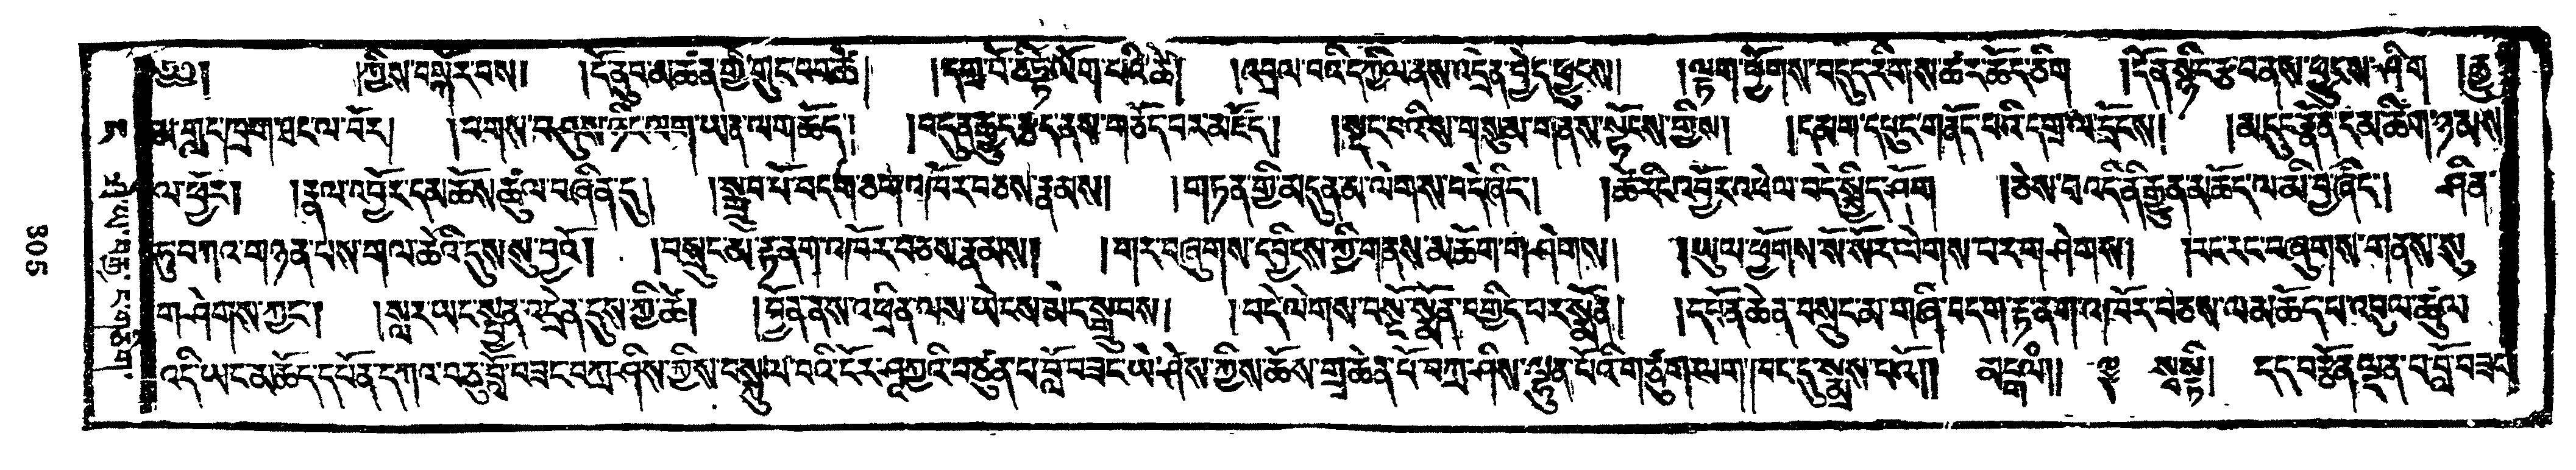༄༅། །ཀྱིས་བསྐོར་བས། །དོ་ནུབ་མཚན་གྱི་གུང་བབ་ཚེ། །དགྲ་བོ་ཅཏྟི?་ལོག་པའི་ཚེ། །འབྲལ་བའི་དཀྱིལ་ནས་འདྲེན་བྱེད་ཕྱུངས། །ལྟག་ཕྱོགས་བདུད་རིགས་ཚར་ཆོད་ཅིག །དོན་སྙིང་རྩ་བ་ནས་ཕྱུངས་ཤིག །རྒྱུ་
མ་གླང་ཁྲག་ཐང་ལ་བོར། །པགས་བཤུས་ཉིང་ལག་ཡན་ལག་ཆོད། །བདུན་རྒྱུད་རྩད་ནས་གཅོད་པར་མཛོད། །སྡང་བའི་ས་གསུམ་གནས་སྟོངས་གྱིས། །དམག་དཔུང་གནོད་པའི་དགྲ་ལ་དྲོངས། །མདུང་རྣོན་དམ་ཚིག་ཉམས་
ལ་ཕྱོར། །རྣལ་འབྱོར་དམ་ཆོས་ཚུལ་བཞིན་དུ། །སྒྲུབ་པོ་བདག་ཅག་འཁོར་བཅས་རྣམས། །གཏན་གྱི་མདུན་མ་ལེགས་བདེ་ཞིང་། །ཚེ་རིང་འབྱོར་འཕེལ་བདེ་སྐྱིད་ཤོག །ཅེས་པ་འདི་ནི་རྒྱུན་མཆོད་ལ་མི་བྱ་ཞིང་། ཤིན་
ཏུ་བཀའ་གཉན་པས་གལ་ཆེའི་དུས་སུ་བྱའོ། །བསྲུང་མ་རྟ་ནག་འཁོར་བཅས་རྣམས། །གར་བཞུགས་དབྱིངས་ཀྱི་གནས་མཆོག་གཤེགས། །ཡུལ་ཕྱོགས་སོ་སོར་ལེགས་པར་གཤེགས། །རང་རང་བཞུགས་གནས་སུ་
གཤེགས་ཀྱང་། །སླར་ཡང་སྤྱན་འདྲེན་དུས་ཀྱི་ཚེ། །བྱོན་ནས་འཕྲིན་ལས་ཡེངས་མེད་སྒྲུབས། །བདེ་ལེགས་བསྔོ་སྨོན་བགྱིད་པར་སྨོན། །དཔོན་ཆེན་བསྲུང་མ་གཞི་བདག་རྟ་ནག་འཁོར་བཅས་ལ་མཆོད་པ་འབུལ་ཚུལ་
འདི་ཡང་མཆོད་དཔོན་དཀའ་བཅུ་བློ་བཟང་བཀྲ་ཤིས་ཀྱིས་བསྐུལ་བའི་ངོར་ཤཱཀྱའི་བཙུན་པ་བློ་བཟང་ཡེ་ཤེས་ཀྱིས་ཆོས་གྲྭ་ཆེན་པོ་བཀྲ་ཤིས་ལྷུན་པོའི་གཙུག་ལག །བང་དུ་སྨྲས་པའོ།། མངྒལཾ།། ༈ སྭསྟི། དད་བརྩོན་ལྡན་པ་བློ་བཟང་